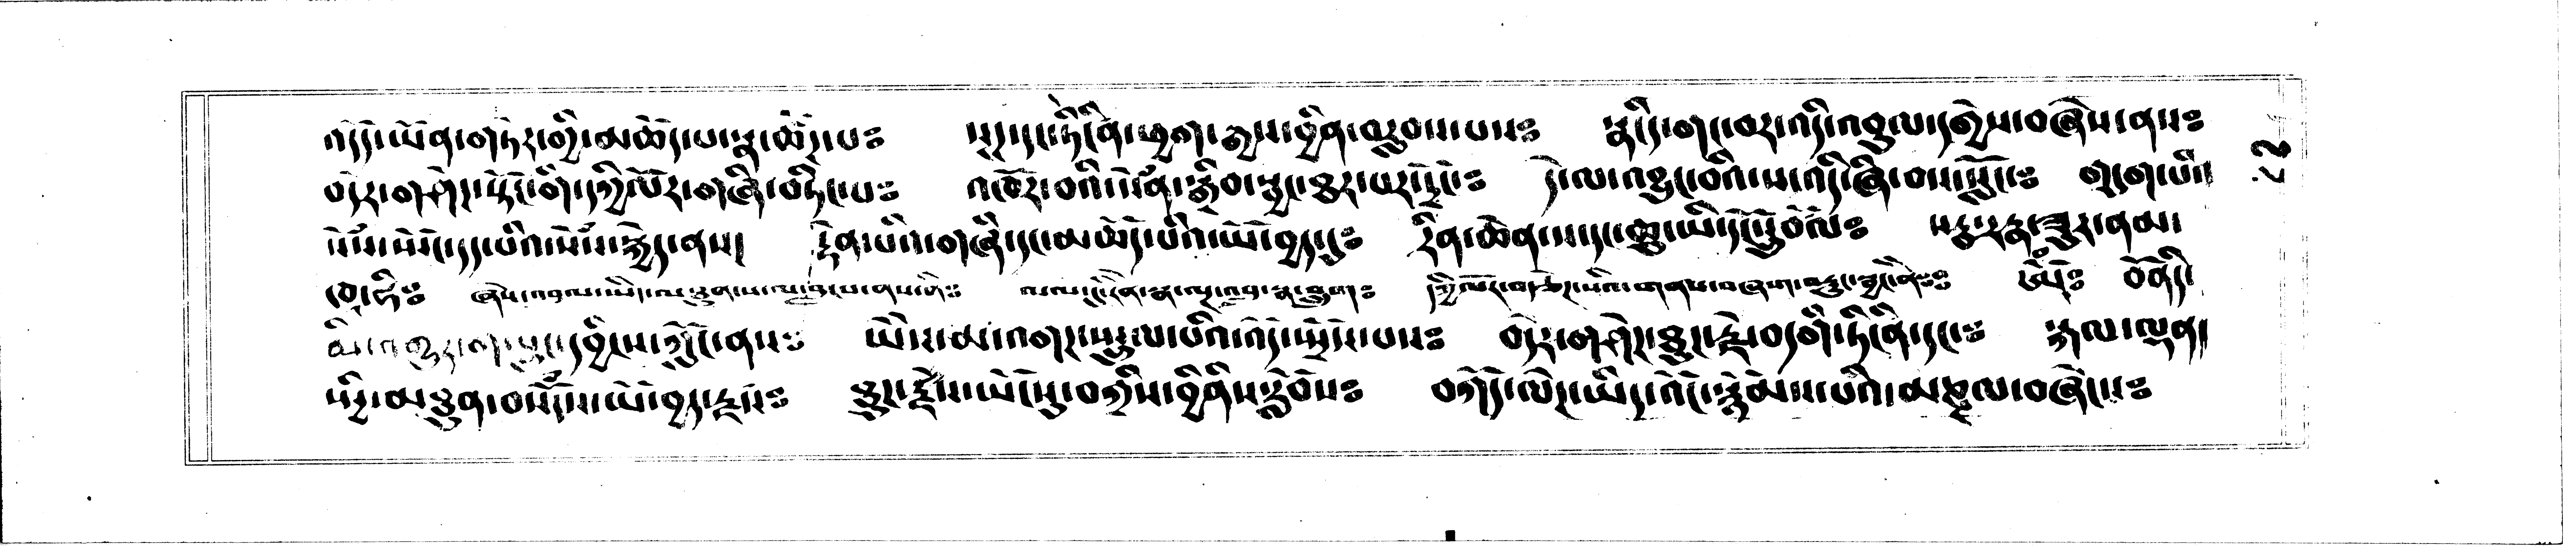འདོད་ཡོན་གཏེར་གྱི་མཆོད་པ་སྣ་ཚོགས་པཿ སྔགས་དང་ཏིང་འཛིན་ཕྱག་རྒྱས་བྱིན་རླབས་པསཿ སྣང་སྲིད་གང་བར་འདི་འབུལ་དགྱེས་བཞེས་ནསཿ 
བདེར་གཤེགས་སྟོང་གི་དཀྱིལ་འཁོར་གཞི་བཏིང་པཿ འཁོར་བའི་སེམས་ཅན་སྒྲིབ་སྦྱང་ཐར་པར་དྲངཿ དེ་ལ་འབྱུང་བའི་ས་འདི་ཞི་བས་བསླངཿ གདུག་པའི་
སེམས་སྤངས་དད་པའི་སེམས་བསྐྱེད་ནསཿ རྟེན་པའི་གཞི་དང་མཆོད་པའི་ཡོ་བྱད་དུཿ རིན་ཆེན་ས་དང་ཆུ་ཡི་དངོས་གྲུབ་སྩོལཿ སརྦ་རདྣ་ཟུར་ནམ་
ཁ་ཧིཿ ཞེས་འབུལ་ཡིད་མཐུན་ས་ལ་བླང་ནས་ནིཿ མལ་དུ་རིན་ཆེན་སྣ་སྔ་འབྲུ་ལྔ་བླུགཿ དཀྱིལ་འཁོར་བརྩེགས་པའི་གནས་བཞག་རྡུང་སྦྱང་ནིཿ ཨཱོྃཿ བོན་ཉིད་
མི་འགྱུར་གཡུང་དྲུང་དབྱིངས་ཀློང་ནསཿ ཡེ་ཤེས་མ་འགག་སྤྲུལ་པའི་འོད་སྤྲོས་པསཿ བདེར་གཤེགས་ཐུགས་རྗེ་བདག་གི་ཏིང་འཛིན་དངཿ སྐལ་ལྡན་
སྤྱི་མཐུན་བསོད་ནམས་ཡོ་བྱད་རྫསཿ ཐུགས་རྗེས་ཡོངས་སུ་བཀྲ་ཤིས་བྱིན་གྱིས་རློབསཿ བཀོད་ལེགས་ཡིད་འོང་སྙོམ་པའི་མཎྜལ་བཞེངསཿ